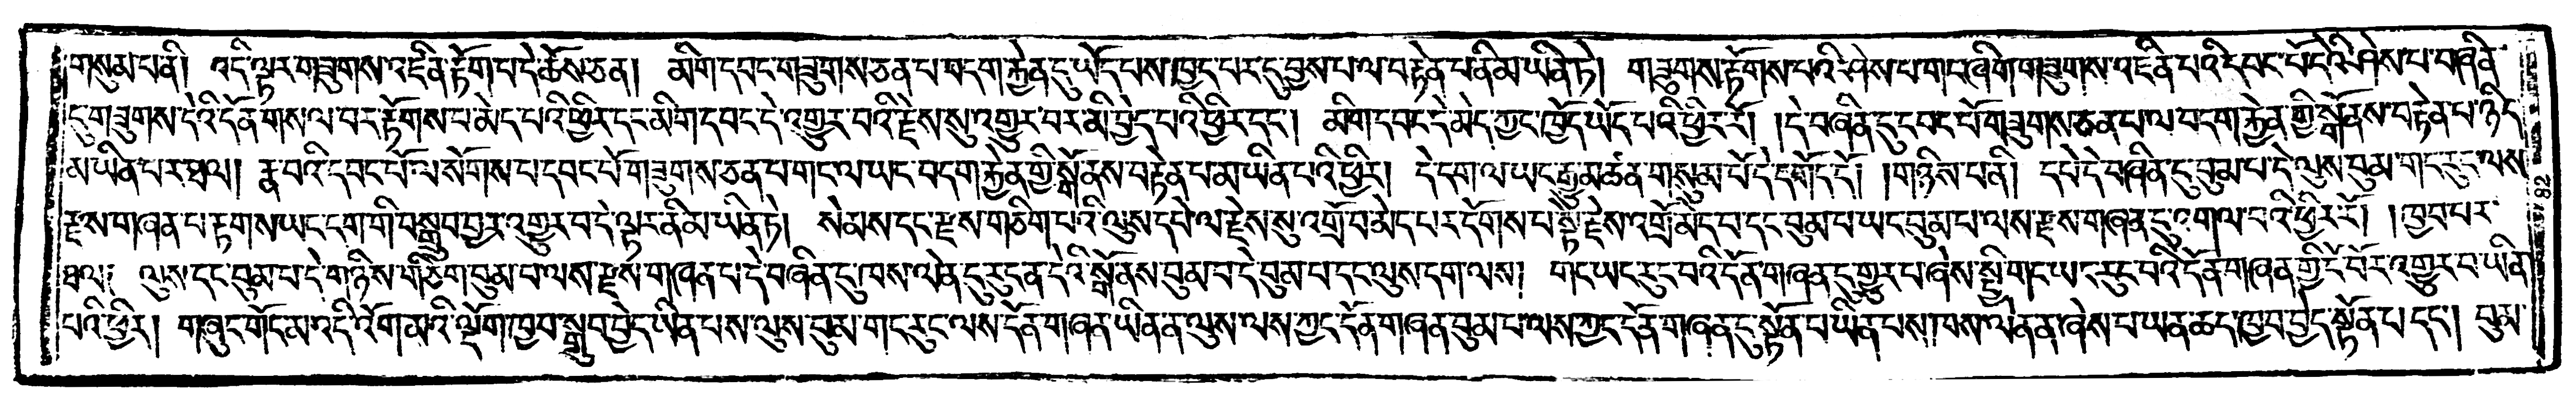གསུམ་པ་ནི། འདི་ལྟར་གཟུགས་འཛིན་རྟོག་པ་དེ་ཆོས་ཅན། མིག་དབང་གཟུགས་ཅན་པ་བདག་རྐྱེན་དུ་ཡོད་པས་ཁྱད་པར་དུ་བྱས་པ་ལ་བརྟེན་པ་ནི་མ་ཡིན་ཏེ། གཟུགས་རྟོགས་པའི་ཤེས་པ་གང་ཞིག་གཟུགས་འཛིན་པའི་དབང་པོ་དེའི་ཤེས་པ་བཞིན་
དུ་གཟུགས་དེའི་དོན་གསལ་བར་རྟོགས་པ་མེད་པའི་ཕྱིར་དང་མིག་དབང་དེ་འགྱུར་བའི་རྗེས་སུ་འགྱུར་བར་མི་བྱེད་པའི་ཕྱིར་དང་། མིག་དབང་དེ་མེད་ཀྱང་ཁྱོད་ཡོད་པའི་ཕྱིར་རོ། །དེ་བཞིན་དུ་དབང་པོ་གཟུགས་ཅན་པ་ལ་བདག་རྐྱེན་གྱི་སྒོ་ནས་བརྟེན་པ་ཉིད་
མ་ཡིན་པར་ཐལ། རྣ་བའི་དབང་པོ་ལ་སོགས་པ་དབང་པོ་གཟུགས་ཅན་པ་གང་ལ་ཡང་བདག་རྐྱེན་གྱི་སྒོ་ནས་བརྟེན་པ་མ་ཡིན་པའི་ཕྱིར། དེ་དག་ལ་ཡང་རྒྱུ་མཚན་གསུམ་པོ་དེ་དགོད་དོ། གཉིས་པ་ནི། དཔེ་དེ་བཞིན་དུ་བུམ་པ་དེ་ལུས་བུམ་གང་རུང་ལས་
རྫས་གཞན་པ་རྟགས་ཡང་དག་གི་བསྒྲུབ་བྱར་འགྱུར་བ་དེ་ལྟར་ནི་མ་ཡིན་ཏེ། སེམས་དང་རྫས་གཅིག་པའི་ལུས་དཔེ་ལ་རྗེས་སུ་འགྲོ་བ་མེད་པར་དོགས་པ་སྟེ་རྗེས་འགྲོ་མེད་བ་དང་བུམ་པ་ཡང་བུམ་པ་ལས་རྫས་གཞན་དུ་འགལ་བའི་ཕྱིར་རོ། །ཁྱབ་པར་
ཐལ༑ ལུས་དང་བུམ་པ་དེ་གཉིས་གཅིག་བུམ་པ་ལས་རྫས་གཞན་པ་དེ་བཞིན་དུ་ཁས་ལེན་དུ་རུང་ན་དེའི་སྒོ་ནས་བུམ་པ་དེ་བུམ་པ་དང་ལུས་དག་ལས། གང་ཡང་རུང་བའི་དོན་གཞན་དུ་གྱུར་པ་ཞེས་སྤྱི་གང་ཡང་རུང་བའི་དོན་གཞན་གྱི་ངོ་བོར་འགྱུར་བ་ཡིན་
པའི་ཕྱིར། གཞུང་གོང་མ་འདི་འོག་མའི་ལྡོག་ཁྱབ་སྒྲུབ་བྱེད་ཡིན་པས་ལུས་བུམ་གང་རུང་ལས་དོན་གཞན་ཡིན་ན་ལུས་ལས་ཀྱང་དོན་གཞན་བུམ་པ་ལས་ཀྱང་དོན་གཞན་དུ་སྟོན་པ་ཡིན་པས་ཁས་ལེན་ན་ཞེས་པ་ཡན་ཆད་ཁྱབ་བྱེད་སྟོན་པ་དང་། བུམ་